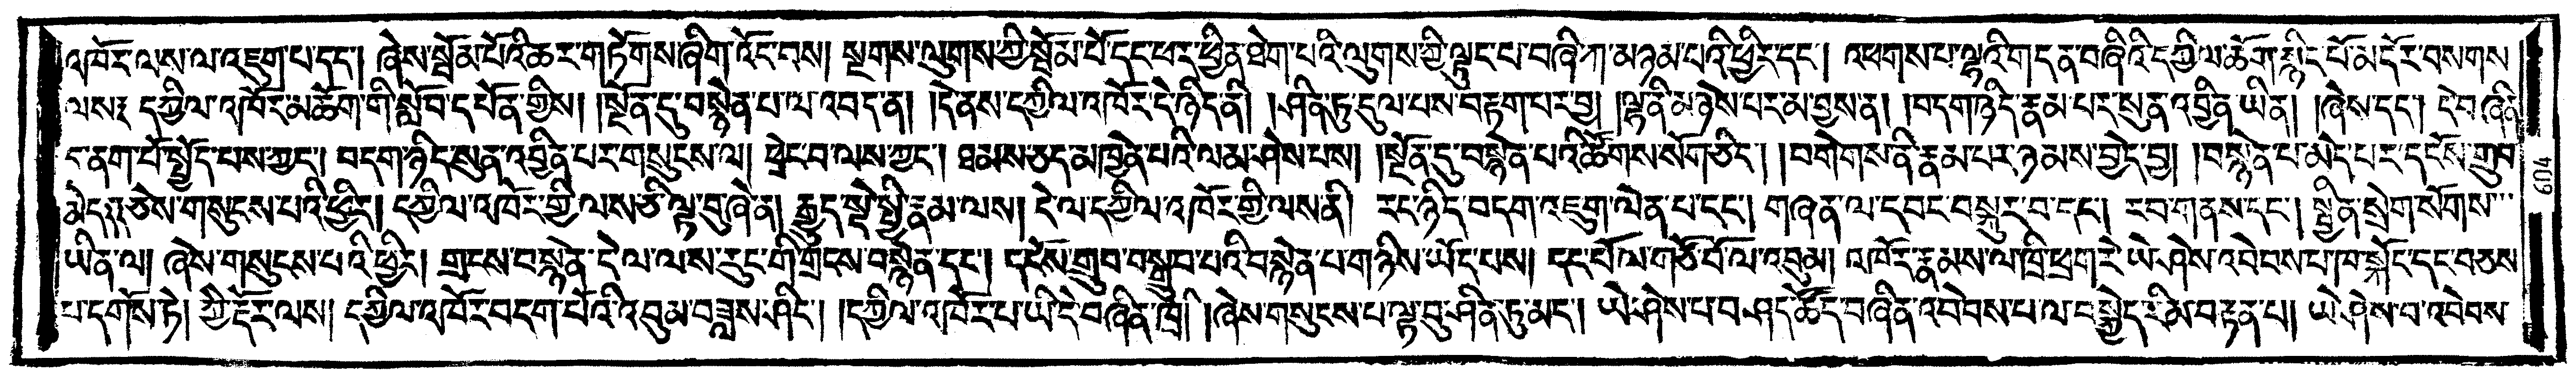འཁོར་ལས་ལ་འཇུག་པ་དང་། ཞེས་སྦོམ་པོའི་ཆར་གཏོགས་ཞིག་འོང་བས། སྔགས་ལུགས་ཀྱི་སྦོམ་པོ་དང་ཕར་ཕྱིན་ཐེག་པའི་ལུགས་ཀྱི་ལྟུང་པ་བཞི་ཀ་མཉམ་པའི་ཕྱིར་དང་། འཕགས་པ་ལྷའི་གདན་བཞིའི་དཀྱིལ་ཆོག་སྙིང་པོ་མདོར་བསགས་
ལས༑ དཀྱིལ་འཁོར་མཆོག་གི་སློབ་དཔོན་གྱིས། །སྔོན་དུ་བསྙེན་པ་ལ་འབད་ན། །དེ་ནས་དཀྱིལ་འཁོར་དེ་ཉིད་ནི། །ཤིན་ཏུ་དུལ་པས་བརྟག་པར་བྱ། །ལྷ་ནི་མཉེས་པར་མ་བྱས་ན། །བདག་ཉིད་རྣམ་པར་སུན་འབྱིན་ཡིན། །ཞེས་དང་། དེ་བཞིན་
དུ་ནག་པོ་སྤྱོད་པས་ཀྱང་། བདག་ཉིད་སུན་འབྱིན་པར་གསུངས་ལ། ཕྲེང་བ་ལས་ཀྱང་། ཐམས་ཅད་མཁྱེན་པའི་ལམ་ཤེས་པས། །སྔོན་དུ་བསྙེན་པའི་ཚོགས་སོག་ཅིང་། །བགེགས་ནི་རྣམ་པར་ཉམས་བྱེད་བྱ། །བསྙེན་པ་མེད་པར་དངོས་གྲུབ་
མེད༑ ༑ཅེས་གསུངས་པའི་ཕྱིར། དཀྱིལ་འཁོར་གྱི་ལས་ཅི་ལྟ་བུ་ཞེ་ན། རྒྱུད་སྡེ་སྤྱི་རྣམ་ལས། དེ་ལ་དཀྱིལ་འཁོར་གྱི་ལས་ནི། རང་ཉིད་བདག་འཇུག་ལེན་པ་དང་། གཞན་ལ་དབང་བསྐུར་བ་དང་། རབ་གནས་དང་། སྦྱིན་སྲེག་སོགས་
ཡིན་ལ། ཞེས་གསུངས་པའི་ཕྱིར། གྲངས་བསྙེན་དེ་ལ་ལས་རུང་གི་གྲངས་བསྙེན་དང་། དངོས་གྲུབ་བསྒྲུབ་པའི་བསྙེན་པ་གཉིས་ཡོད་པས། དང་པོ་ལ་གཙོ་བོ་ལ་འབུམ། འཁོར་རྣམས་ལ་ཁྲི་ཕྲག་རེ་ཡེ་ཤེས་འབེབས་པ་ཁ་སྐོད་དང་བཅས་
པ་དགོས་ཏེ། ཀྱཻ་རྡོར་ལས། དཀྱིལ་འཁོར་བདག་པོའི་འབུམ་བཟླས་ཤིང་། །དཀྱིལ་འཁོར་པ་ཡི་དེ་བཞིན་ཁྲི། །ཞེས་གསུངས་པ་ལྟ་བུ་ཤིན་ཏུ་མང་། ཡེ་ཤེས་པ་བཤད་ཚོད་བཞིན་འབེབས་པ་ལ་བསྐྱེད་རིམ་བརྟན་པ། ཡེ་ཤེས་པ་འབེབས་